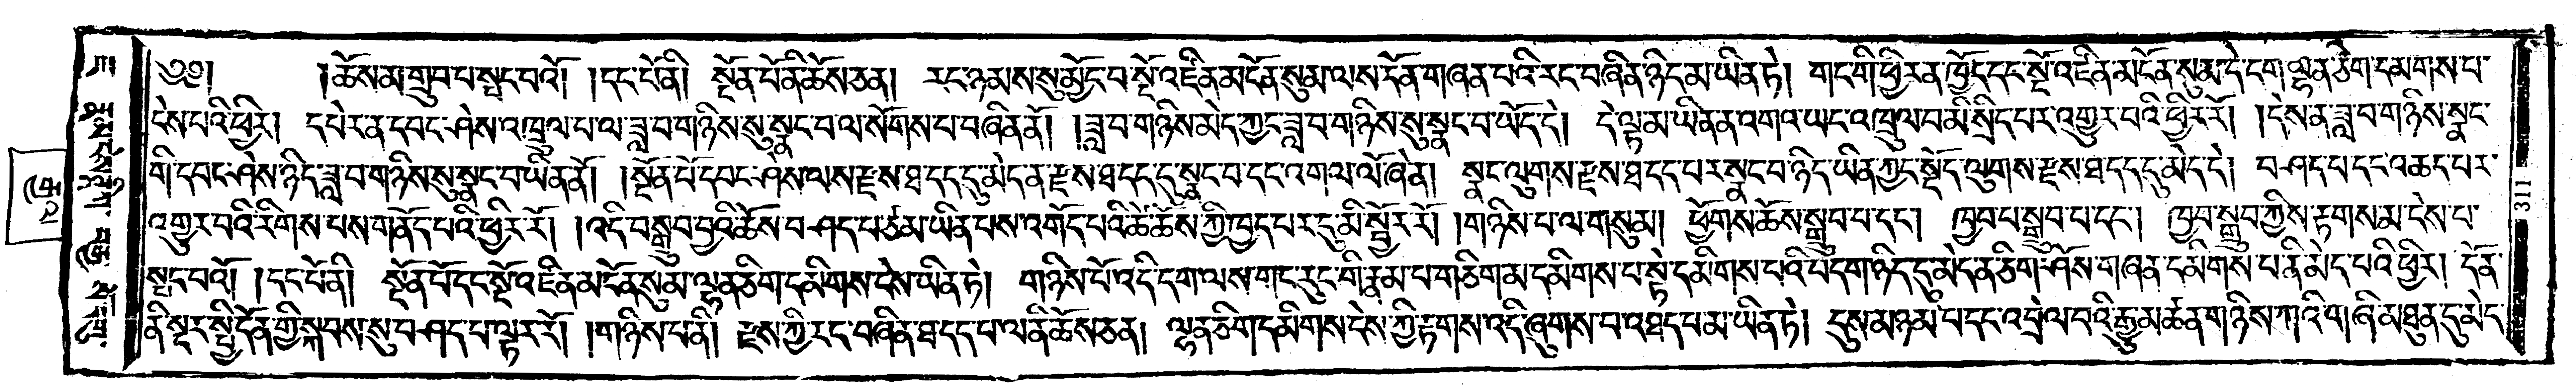༄༅། །ཆོས་མ་གྲུབ་པ་སྤང་བའོ། །དང་པོ་ནི། སྔོན་པོ་ནི་ཆོས་ཅན། རང་ཉམས་སུ་མྱོང་བ་སྔོ་འཛིན་མངོན་སུམ་ལས་དོན་གཞན་པའི་རང་བཞིན་ཉིད་མ་ཡིན་ཏེ། གང་གི་ཕྱིར་ན་ཁྱོད་དང་སྔོ་འཛིན་མངོན་སུམ་དེ་དག་ལྷན་ཅིག་དམིགས་པ་
ངེས་པའི་ཕྱིར། དཔེར་ན་དབང་ཤེས་འཁྲུལ་པ་ལ་ཟླ་བ་གཉིས་སུ་སྣང་བ་ལ་སོགས་པ་བཞིན་ནོ། །ཟླ་བ་གཉིས་མེད་ཀྱང་ཟླ་བ་གཉིས་སུ་སྣང་བ་ཡོད་དེ། དེ་ལྟ་མ་ཡིན་ན་འགའ་ཡང་འཁྲུལ་པ་མི་སྲིད་པར་འགྱུར་བའི་ཕྱིར་རོ། །དེས་ན་ཟླ་བ་གཉིས་སྣང་
གི་དབང་ཤེས་ཉིད་ཟླ་བ་གཉིས་སུ་སྣང་བ་ཡིན་ནོ། །སྔོན་པོ་དབང་ཤེས་ལས་རྫས་ཐ་དད་དུ་མེད་ན་རྫས་ཐ་དད་དུ་སྣང་བ་དང་འགལ་ལོ་ཞེ་ན། སྣང་ལུགས་རྫས་ཐ་དད་པར་སྣང་བ་ཉིད་ཡིན་ཀྱང་སྡོད་ལུགས་རྫས་ཐ་དད་དུ་མེད་དེ། བཤད་པ་དང་འཆད་པར་
འགྱུར་བའི་རིགས་པས་གནོད་པའི་ཕྱིར་རོ། །འདི་བསྒྲུབ་བྱའི་ཆོས་བཤད་པ་ཙམ་ཡིན་པས་འགོད་པའི་ཚེ་ཆོས་ཀྱི་ཁྱད་པར་དུ་མི་སྦྱོར་རོ། །གཉིས་པ་ལ་གསུམ། ཕྱོགས་ཆོས་སྒྲུབ་པ་དང་། ཁྱབ་པ་སྒྲུབ་པ་དང་། ཁྱབ་སྒྲུབ་ཀྱིས་རྟགས་མ་ངེས་པ་
སྤང་བའོ། །དང་པོ་ནི། སྔོན་པོ་དང་སྔོ་འཛིན་མངོན་སུམ་ལྷན་ཅིག་དམིགས་ངེས་ཡིན་ཏེ། གཉིས་པོ་འདི་དག་ལས་གང་རུང་གི་རྣམ་པ་གཅིག་མ་དམིགས་པ་སྟེ་དམིགས་པའི་བདག་ཉིད་དུ་མེད་ན་ཅིག་ཤོས་གཞན་དམིགས་པ་ནི་མེད་པའི་ཕྱིར། དོན་
ནི་སྔར་སྤྱི་དོན་གྱི་སྐབས་སུ་བཤད་པ་ལྟར་རོ། །གཉིས་པ་ནི། རྫས་ཀྱི་རང་བཞིན་ཐ་དད་པ་ལ་ནི་ཆོས་ཅན། ལྷན་ཅིག་དམིགས་ངེས་ཀྱི་རྟགས་འདི་ཞུགས་པ་འཐད་པ་མ་ཡིན་ཏེ། དུས་མཉམ་པ་དང་འབྲེལ་བའི་རྒྱུ་མཚན་གཉིས་ཀའི་གཞི་མཐུན་དུ་མེད་